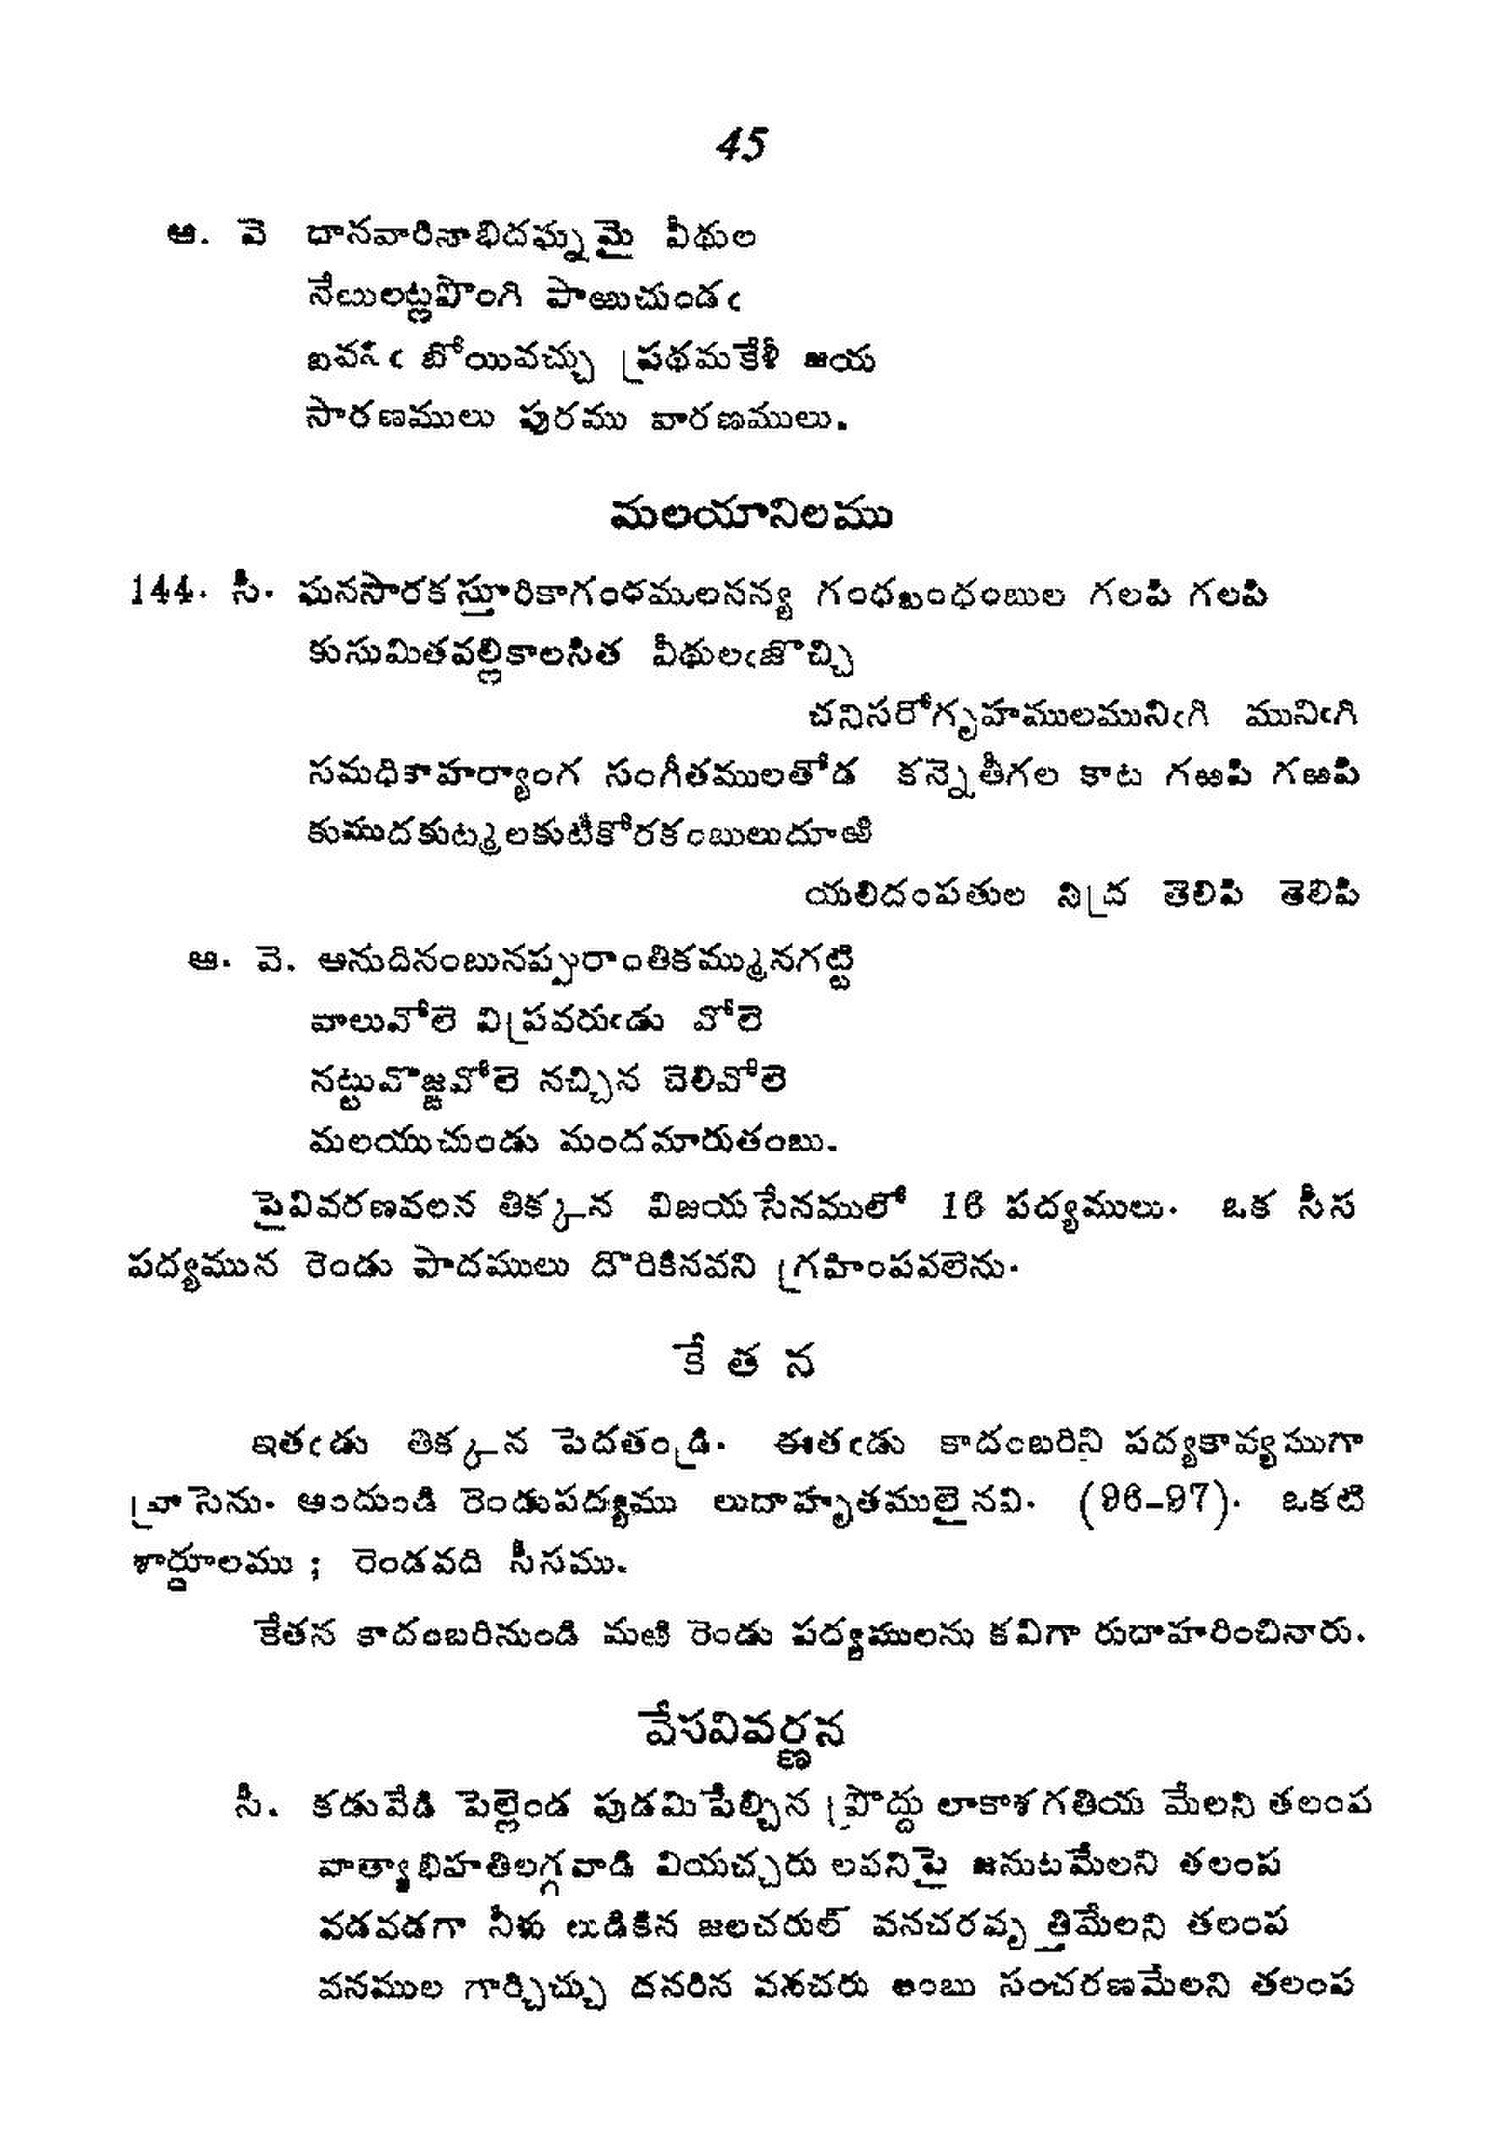45
ఆ. నే దానవారినాభిదఘ్నమై వీథుల
నేబులట్ల పొంగి పాఱుచుండఁ
బవన బోయివచ్చు ప్రథమకేళీ జయ
సారణములు పురము వారణములు.

144. సీ. ఘనసారకస్తూరికా గంధములనన్య గంధబంధంబుల గఱపి గఱపి
{

సమధికాహర్యాంగ సంగీతములతోడ కన్నె తీగల కాట గఱపి గజపి

ఆ. వె. అనుదినంబునప్పురాంతికమ్మునగట్టి
వాలువోలే విప్రవరుఁడు వోలె
నట్టువొఱవోలె నచ్చిన చెలివోలె
మలయుచుండు మందమారుతంబు.

పై వివరణవలన తిక్కన విజయ సేనములో 18 పద్యములు. ఒక సీస
పద్యమున రెండు పాదములు దొరికినవని గ్రహింపవలెను.

ఇతఁడు తిక్కన పెదతండ్రి. ఈతఁడు కాదంబరీని పద్యకావ్యముగా
వ్రాసెను. అందుండి రెండుపద్యము లుదాహృతములైనవి. (88-97). ఒకటి
శార్దూలము ; రెండవది సీసము.

కేతన కాదంబరీ నుండి మటి రెండు పద్యములను కవిగా రుదాహరించినారు.

సీ. కడు వేడి పెల్లెండ పుడమి పేల్చిన ! పొద్దు లాకాశ గతియ మేలని తలంప
హత్యా భిహతి లగ్గవాడి వియచ్చరు లవనిపై జనుట మేలని తలంప
వడవడగా నీళు లుడికిన జలచరుల్ వనచరవృత్తిమేలని తలంప
వనముల గార్చిచ్చు దనరిన వనచరు అంబు సంచరణమేలని తలంప